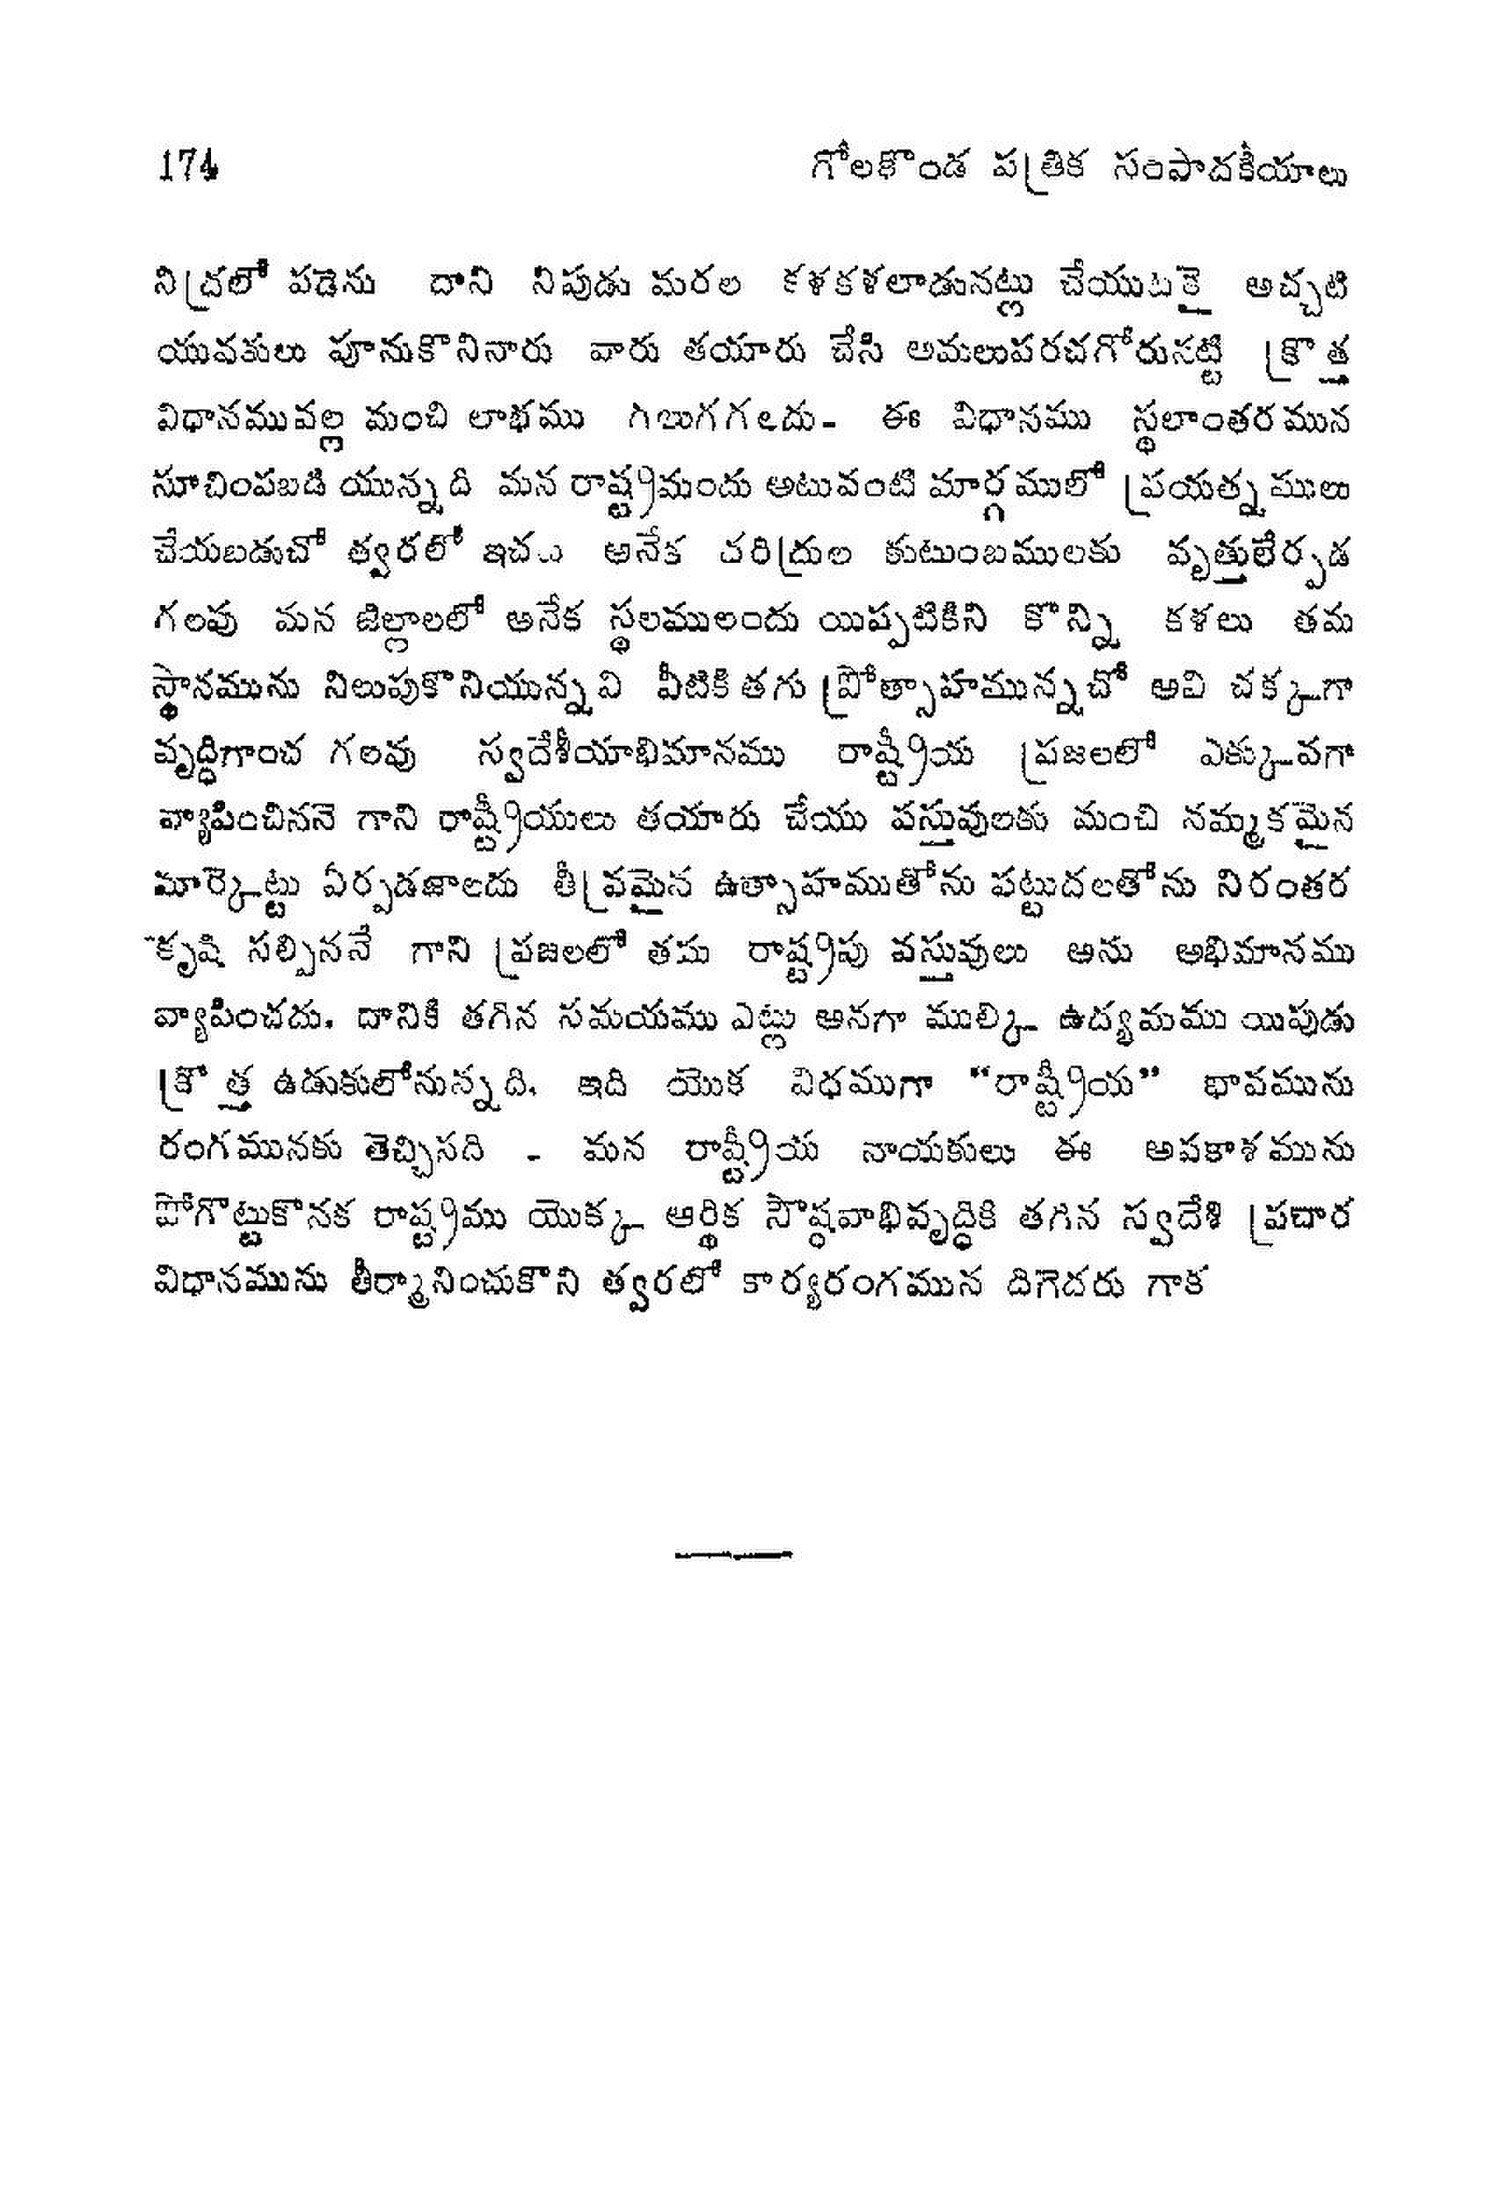నిద్రలో పడెను దాని నిపుడు మరల కళకళలాడునట్లు చేయుటకై అచ్చటి యువకులు పూనుకొనినారు వారు తయారు చేసి అమలుపరచగోరునట్టి క్రొత్త విధానమువల్ల మంచి లాభము గలుగగలదు - ఈ విధానము స్థలాంతరమున సూచింపబడి యున్నది మన రాష్ట్రమందు అటువంటి మార్గములో ప్రయత్నములు చేయబడుచో త్వరలో ఇచట అనేక చరిద్రుల కుటుంబములకు వృత్తులేర్పడ గలవు మన జిల్లాలలో అనేక స్థలములందు యిప్పటికిని కొన్ని కళలు తమ స్థానమును నిలుపుకొనియున్నవి వీటికి తగు ప్రోత్సాహమున్నచో అవి చక్కగా వృద్ధిగాంచ గలవు స్వదేశీయాభిమానము రాష్ట్రీయ ప్రజలలో ఎక్కువగా వ్యాపించిననె గాని రాష్ట్రీయులు తయారు చేయు వస్తువులకు మంచి నమ్మకమైన మార్కెట్టు ఏర్పడజాలదు తీవ్రమైన ఉత్సాహముతోను పట్టుదలతోను నిరంతరకృషి సల్పిననే గాని ప్రజలలో తమ రాష్ట్రపు వస్తువులు అను అభిమానము వ్యాపించదు. దానికి తగిన సమయము ఎట్లు అనగా ముల్కి ఉద్యమము యిపుడు క్రొత్త ఉడుకులోనున్నది. ఇది యొక విధముగా "రాష్ట్రీయ" భావమును రంగమునకు తెచ్చినది మన రాష్ట్రీయ నాయకులు ఈ అవకాశమును పోగొట్టుకొనక రాష్ట్రము యొక్క ఆర్థిక సౌష్ఠవాభివృద్ధికి తగిన స్వదేశి ప్రచార విధానమును తీర్మానించుకొని త్వరలో కార్యరంగమున దిగెదరు గాక